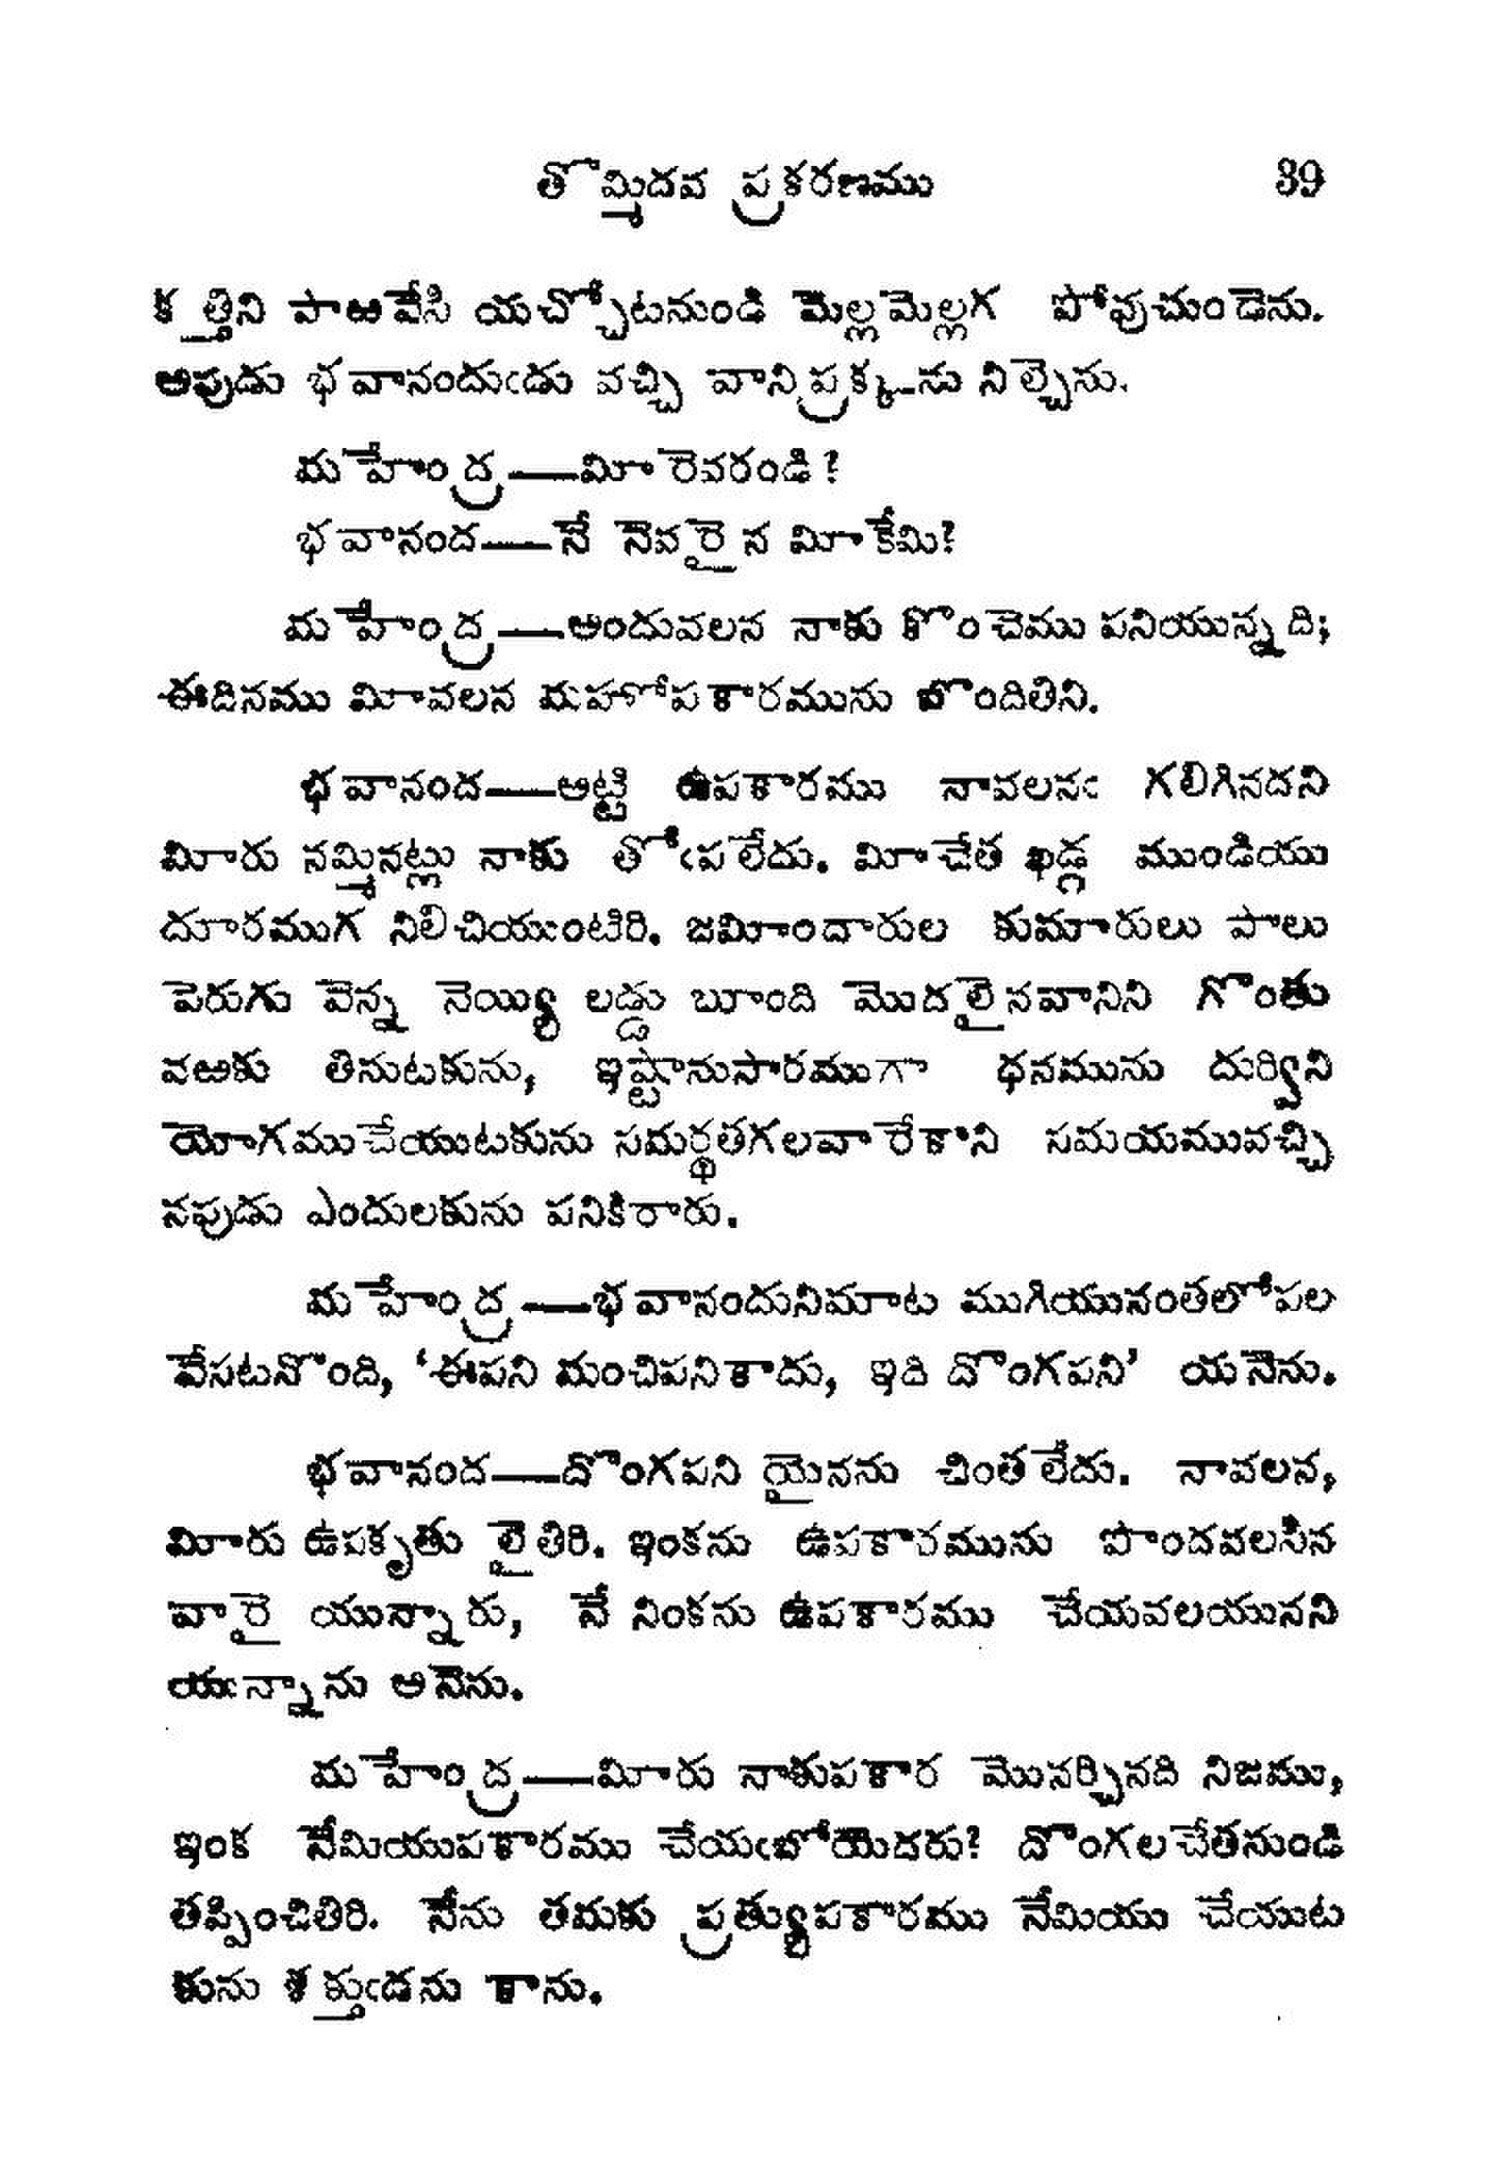కత్తిని పాఱవేసి యచ్చోటనుండి మెల్ల మెల్లగ పోవుచుండెను. అపుడు భవానందుఁడు వచ్చి దాని ప్రక్కనునిల్చెను.

మహేంద్ర—మీరెవరండి !

భవానంద —— నే నెవరైన మీకేమి?

మహేంద్ర —— అందువలన నాకు కొంచెము పనియున్నది; ఈదినము మీవలన మహోపకారమును బొందితిని.

భవానంద—— అట్టి ఉపకారము నావలనఁ గలిగినదని మీరు నమ్మినట్లు నాకు తోఁప లేదు. మీ చేత ఖడ్గ ముండియు దూరముగ నిలిచియుంటిరి, జమీందారుల కుమారులు పాలు పెరుగు వెన్న నెయ్యి లడ్డు బూంది మొదలైనవానిని గొంతు వఱకు తినుటకును, ఇష్టానుసారముగా ధనమును దుర్వినియోగము చేయుటకును సమర్థతగలవారేకాని సమయము వచ్చినపుడు ఎందులకును పనికి రారు.

మహేంద్ర——భవానందునీమాట ముగియునంతలోపల వేసటనొంది, 'ఈపని మంచిపనికాదు, ఇది దొంగపని' యనెను.

భవానంద—— దొంగపని యైనను చింత లేదు. నావలన, మీరు ఉపకృతు లైతిరి. ఇంకను ఉపకారమును పొందవలసిన వారై యున్నారు, నే నింకను ఉపకారము చేయవలయునని యున్నాను అనెను.

మహేంద్ర——మీరు నాకుపతార మొనర్చినది నిజము, ఇంక నేమియుపకారము చేయఁబోయెదరు? దొంగలచేతనుండి తప్పించితిరి. నేను తమకు ప్రత్యుపకారము నేమియు చేయుటకును శక్తుఁడను కాను.